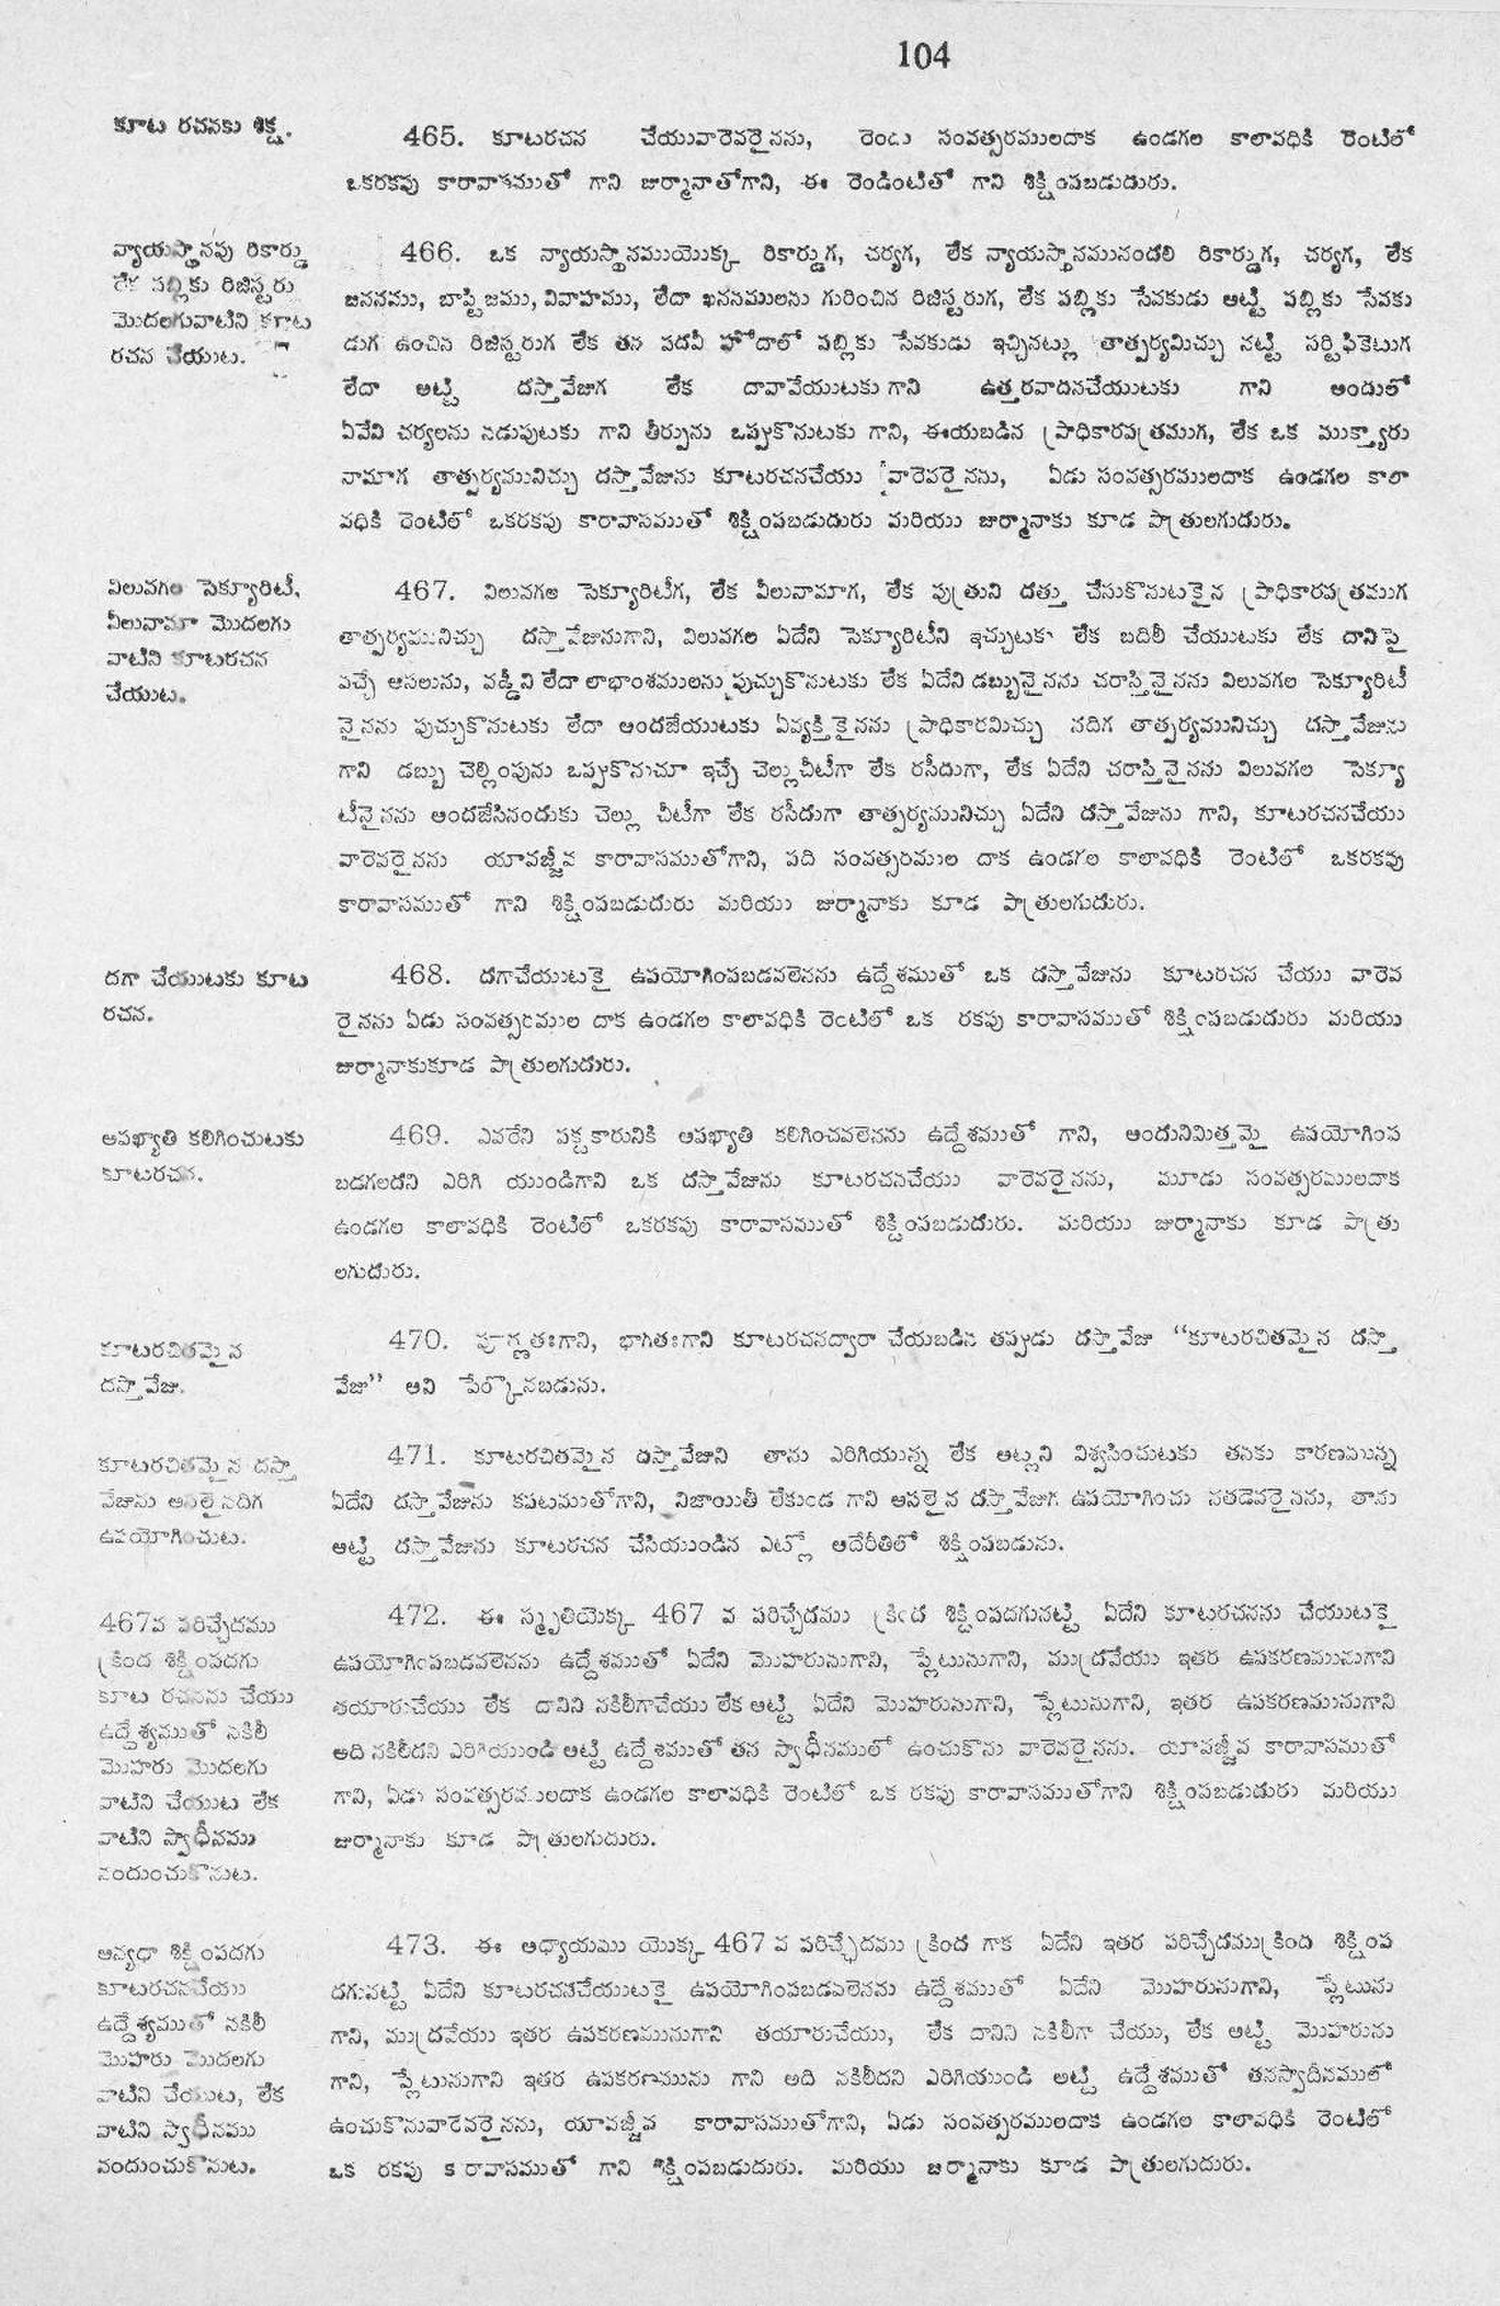1
కూట రచనకు శిక్ష.

465. కూటరచన చేయువారెవరైనను, రెండు సంవత్సరములదాక ఉండగల కాలావధికి రెంటిలో ఒకరకపు కారావాసముతో గాని జుర్మానాతోగాని, ఈ రెండింటితో గాని శిక్షింపబడుదురు.

న్యాయస్థానపు రికార్డు లేక పబ్లికు రిజిస్టరు మొదలగువాటిని కూటరచన చేయుట.

466. ఒక న్యాయస్థానము యొక్క రికార్డుగ, చర్యగ, లేక న్యాయస్థానమునందలి రికార్డుగ, చర్యగ, లేక జననము, బాప్టి జము, వివాహము, లేదా ఖననములను గురించిన రిజిస్ట రుగ, లేక పబ్లికు సేవకుడు అట్టి పబ్లికు సేవకుడుగ ఉంచిన రిజిస్టరుగ లేక తన పదవీ హోదాలో పబ్లికు సేవకుడు ఇచ్చినట్లు తాత్పర్యమిచ్చు నట్టి సర్టిఫికెటుగ లేదా అట్టి దస్తా వేజుగ లేక దావా వేయుటకు గాని ఉత్త రవాదనచేయుటకు గాని అందులో ఏవేని చర్యలను నడుపుటకు గాని తీర్పును ఒప్పుకొనుటకు గాని, ఈయబడిన ప్రాధికారపత్రముగ, లేక ఒక ముక్త్యారునామాగ తాత్పర్యము నిచ్చు దస్తా వేజును కూటరచనచేయు వారెవరైనను, ఏడు సంవత్సరములదాక ఉండగల కాలా
వధికి రెంటిలో ఒకరకపు కారావాసముతో శిక్షింపబడుదురు మరియు జుర్మానాకు కూడ పాత్రులగుదురు.

విలువగల 'సెక్యూరిటీ, వీలునామా మొదలగు వాటిని కూటరచన చేయుట.

467. విలువగల సెక్యూరిటీగ, లేక వీలునామాగ, లేక పుత్రుని దత్తు చేసుకొనుటకైన ప్రాధికారపత్రముగ తాత్పర్యము నిచ్చు దస్తావేజునుగాని, విలువగల ఏదేని సెక్యూరిటీని ఇచ్చుటకు లేక బదిలీ చేయుటకు లేక దాని పై వచ్చే అసలును, వడ్డీని లేదా లాభాంశములను పుచ్చుకొనుటకు లేక ఏదేని డబ్బునై నను చరాస్తి నైనను విలువగల సెక్యూరిటీ నైనను పుచ్చుకొనుటకు లేదా అందజేయుటకు ఏవ్యక్తి కైనను ప్రాధికారమిచ్చు నదిగ తాత్పర్యమునిచ్చు దస్తా వేజును గాని డబ్బు చెల్లింపును ఒప్పుకొనుచూ ఇచ్చే చెల్లు చీటీగా లేక రసీదుగా, లేక ఏదేని చరాస్తి నై నను విలువగల సెక్యూటీనైనను అందజేసినందుకు చెల్లు చీటీగా లేక రసీదుగా తాత్పర్యమునిచ్చు ఏదేని దస్తా వేజును గాని, కూటరచనచేయు వారెవరైనను యావజ్జీవ కారావాసముతోగాని, పది సంవత్సరముల దాక ఉండగల కాలావధికి రెంటిలో ఒకరకపు కారావాసముతో గాని శిక్షింపబడుదురు మరియు జుర్మానాకు కూడ పాత్రులగుదురు.

దగా చేయుటకు కూటరచన.

468. దగాచేయుటకై ఉపయోగింపబడవలెనను ఉద్దేశముతో ఒక దస్తా వేజును కూటరచన చేయు వారెవరైనను ఏడు సంవత్సరముల దాక ఉండగల కాలావధికి రెంటిలో ఒక రకపు కారావాసముతో శిక్షింపబడుదురు మరియు జుర్మానాకుకూడ పాత్రులగుదురు.

అపఖ్యాతి కలిగించుటకు కూటరచన,

469. ఎవరేని పక్ష కారునికి అపఖ్యాతి కలిగించవలెనను ఉద్దేశముతో గాని, ఆందునిమిత్తమై ఉపయోగింపబడగలదని ఎరిగి యుండిగాని ఒక దస్తావేజును కూటరచనచేయు వారెవరైనను, మూడు సంవత్సరములదాక ఉండగల కాలావధికి రెంటిలో ఒకరకపు కారావాసముతో శిక్షింపబడుదురు. మరియు జుర్మానాకు కూడ పాత్రులగుదురు.

కూటరచితమైన దస్తావేజు.

470. పూర్ణతః గాని, భాగతః గాని కూటరచన ద్వారా చేయబడిన తప్పుడు దస్తావేజు “కూటరచితమైన దస్తావేజు " అని పేర్కొనబడును.

కూటరచితమైన దస్తావేజును అసలైనదిగా ఉపయోగించుట.

471. కూటరచితమైన దస్తా వేజుని తాను ఎరిగియున్న లేక అట్లని విశ్వసించుటకు తనకు కారణమున్న ఏదేని దస్తావేజును కపటముతోగాని, నిజాయితీ లేకుండ గాని అసలైన దస్తావేజుగ. ఉపయోగించు నతడెవరైనను, తాను అట్టి దస్తావేజును కూటరచన చేసియుండిన ఎట్లో అదేరీతిలో శిక్షింపబడును.

467వ పరిచ్చేదము క్రింద శిక్షింపదగు కూట రచనను చేయు ఉద్దేశ్యముతో నకిలీ మొహరు మొదలగు వాటిని చేయుట లేక
వాటిని స్వాధీనము నందుంచుకొనుట.

472. ఈ స్మృతియొక్క 467 వ పరిచ్చేదము క్రింద శిక్షింపదగునట్టి ఏదేని కూటరచనను చేయుటకై ఉపయోగింపబడవలెనను ఉద్దేశముతో ఏదేని మొహరునుగాని, ప్లేటునుగాని, ముద్రవేయు ఇతర ఉపకరణమునుగాని తయారుచేయు లేక దానిని నకిలీగాచేయు లేక అట్టి ఏదేని మొహరునుగాని, ప్లేటునుగాని, ఇతర ఉపకరణమునుగాని అది నకిలీదని ఎరిగియుండి అట్టి ఉద్దేశములో తన స్వాధీనములో ఉంచుకొను వారెవరై నను. యావజ్జీవ కారావాసముతో గాని, ఏడు సంవత్సరములదాక ఉండగల కాలావధికి రెంటిలో ఒక రకపు కారావాసముతోగాని శిక్షింపబడుదురు. మరియు జుర్మానాకు కూడ పాత్రులగుదురు.

అన్యధా శిక్షింపదగు కూటరచన చేయు ఉద్దేశ్యముతో నకిలీ మొహరు మొదలగు వాటిని చేయుట, లేక వాటిని స్వాధీనము
నందుంచుకొనుట,

473. ఈ అధ్యాయము యొక్క 467 వ పరిచ్ఛేదము క్రింద గాక ఏదేని ఇతర పరిచ్చేదము క్రింద శిక్షింపదగునట్టి ఏదేని కూటరచన చేయుటకై ఉపయోగింపబడవలెనను ఉద్దేశముతో ఏదేని మొహరునుగాని, ప్లేటునుగాని, ముద్రవేయు ఇతర ఉపకరణమునుగాని తయారుచేయు, లేక దానిని నకిలీగా చేయు, లేక అట్టి మొహరునుగాని, ప్లేటునుగాని ఇతర ఉపకరణమును గాని అది నకిలీదని ఎరిగియుండి అట్టి ఉద్దేశముతో తన స్వాదీనములో ఉంచుకొనువాడెవరైనను, యావజ్జీవ కారావాసముతోగాని, ఏడు సంవత్సరములదాక ఉండగల కాలావధికి రెంటిలో ఒక రకపు కారావాసముతో గాని శిక్షింపబడుదురు. మరియు జుర్మానాకు కూడ పాత్రులగుదురు.